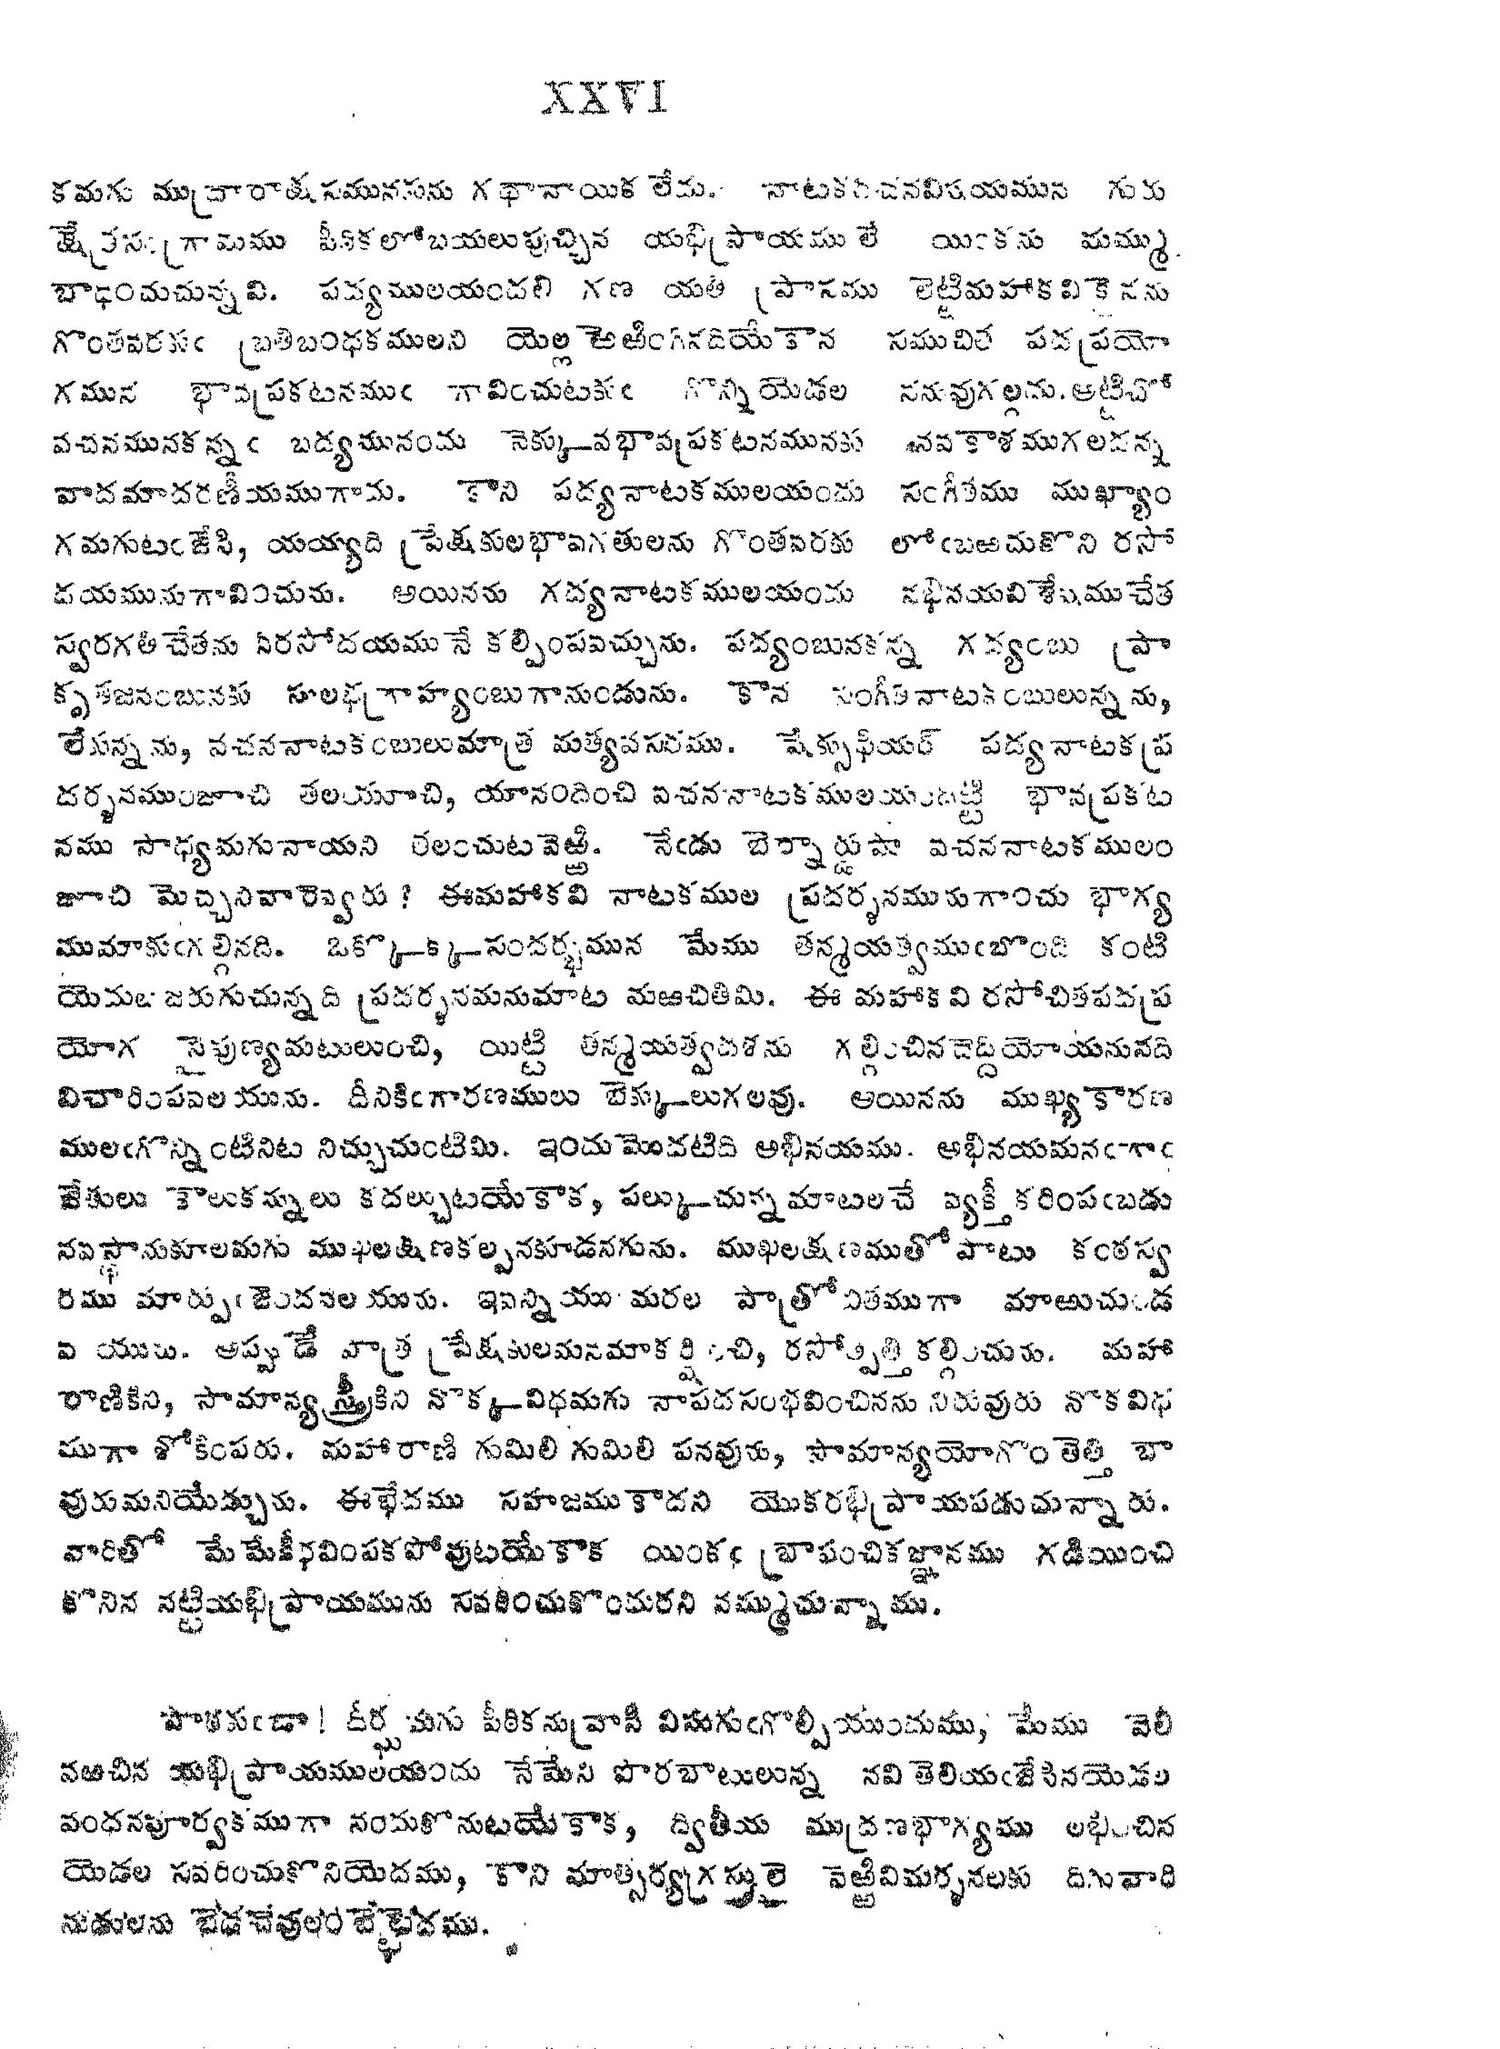కమగు ముద్రా రాక్షసమునను గథానాయిక లేదు. నాటక రచన విషయమున గురు
క్షేత్రసంగ్రామము పీఠికలో బయలు పుచ్చిన యభిప్రాయములే యింకను మమ్ము,
బాదించుచున్నవి. పద్యము లయందలి గణ యతి ప్రాసము లెట్టి మహాకవి కైనను
గొంతపరకం బ్రతిబంధకములని యెల్ల రెరింగినదియే కాన సముచిత పవప్రయో
గమున భావప్రకటనముఁ గావించుటకుం గొన్ని యెడల ననువు గల్గదు. అట్టిచో
వచనమున కన్న బద్యమునందు నెక్కువ భావ ప్రకటనమునకు నవ కాశముగలదన్న
వాద మాదరణీయము గాదు. కాని పద్య నాటకముల యందు సంగీతము ముఖ్యాంగ
మగుటఁ జేసి, యయ్యది ప్రేక్షకుల భావగతులను గొంతవరకు లోబఱచు కొని రసో
దయమును గావించును అయినను గద్య నాటకముల యందు నభినయ విశేషము చేత
స్వరగతి చేతను నీరసోదయమునే కల్పింపవచ్చును. 'పద్యంబునకన్న గవ్యంబు ప్రా
కృత జనంబునకు సులభ గ్రాహ్యంబు గానుండును. కాన సంగీత నాటకంబులున్నను,
లేకున్నను, వచన నాటకంబులు మాత్ర మత్యవసరము. షేక్సుఫీయర్ పద్య నాటక ప్ర
దర్శనము జూచి తలయూచి, యానందించి వచన నాటకముల యంబట్టి భావప్రకట
నము సాధ్యమగు నాయని తలంచుట వెఱి. నేడు బెర్నార్డు షా వచన నాటక ములం
జూచి మెచ్చని వారెవ్వరు ! ఈమహాకవి నాటకముల ప్రదర్శనమును గాంచు భాగ్య
ముమాకుఁగల్గినది. ఒక్కొక్క సందర్భమున మేము తన్మయత్వముఁ బొంది కంటి
యెదుట జరుగుచున్నది ప్రదర్శన మనుమాట మఱచితిమి. ఈ మహాకవి రసోచిత పదప్ర
యోగ సైపుణ్యమటులుంచి, యిట్టి తన్మయత్వదశను గల్లించిన దెద్దయో యను నది
విచారింప పలయును. దీనికిఁ గారణములు బెక్కులు గలవు. అయినను ముఖ్య కారణ
ములఁగొన్నింటి నిట నిచ్చుచుంటిమి. ఇందు మొదటిది అభినయము. ఆభినయమనగా
జేతులు కాలు కన్నులు కదల్చుటయే కాక , పల్కుచున్న మాటలచే వ్యక్తీ కరింపఁబడు
నవస్థాను కూలమగు ముఖ లక్షణకల్పన కూడనగును. ముఖలక్షణముతో పాటు కంఠస్వ
రము మార్పు చెంద వలయును. ఇవన్నియు మరల పాత్రోచితముగా మారుచుండ
వలయును. అప్పుడే పాత్ర ప్రేక్షకుల మనమాకర్షించి, రసోత్పత్తి కల్గించును. మహా
రాణికిని, సామాన్య స్త్రీకిని నొక్క విధమగు నాపద సంభవించినను నిరువురు నొక విధ
ముగా శోకింపరు. మహారాణి గుమిలి గుమిలీ పనవును, సామాన్య యో గొంతెత్తి బా
వురుమని యేడ్చును.. ఈ భేదము సహజము కాదని యొక రభిప్రాయపడు చున్నారు.
వారితో మేమేకీబవింపక పోవుటయే కాక యింక బ్రాపంచిక జ్ఞానము గడియించి
కొనిన నట్టి యభిప్రాయమును సవరించు కొందురని నమ్ముచున్నాము.

'పొఠకుడా ! దీర్ఘమగు పీఠికను వ్రాసి విసుగుఁగొల్పి యుందుము, 'మేము వెలి
వఱచిన యభిప్రాయములయందు - నేమేని పొరబాటులున్న నవి తెలియఁజే సినయెడల వంధన పూర్వకముగా నంచుకోనుటయే కాక , ద్వితీయ ముద్రణ భాగ్యము లభించిన యెడల సవరించుకొని యెదము, కాని మాత్సర్యగ్రస్థులై వెర్రి విమర్శనలకు దిగు వారి సుడుగులను బెడచెవులం బెట్టెదము.